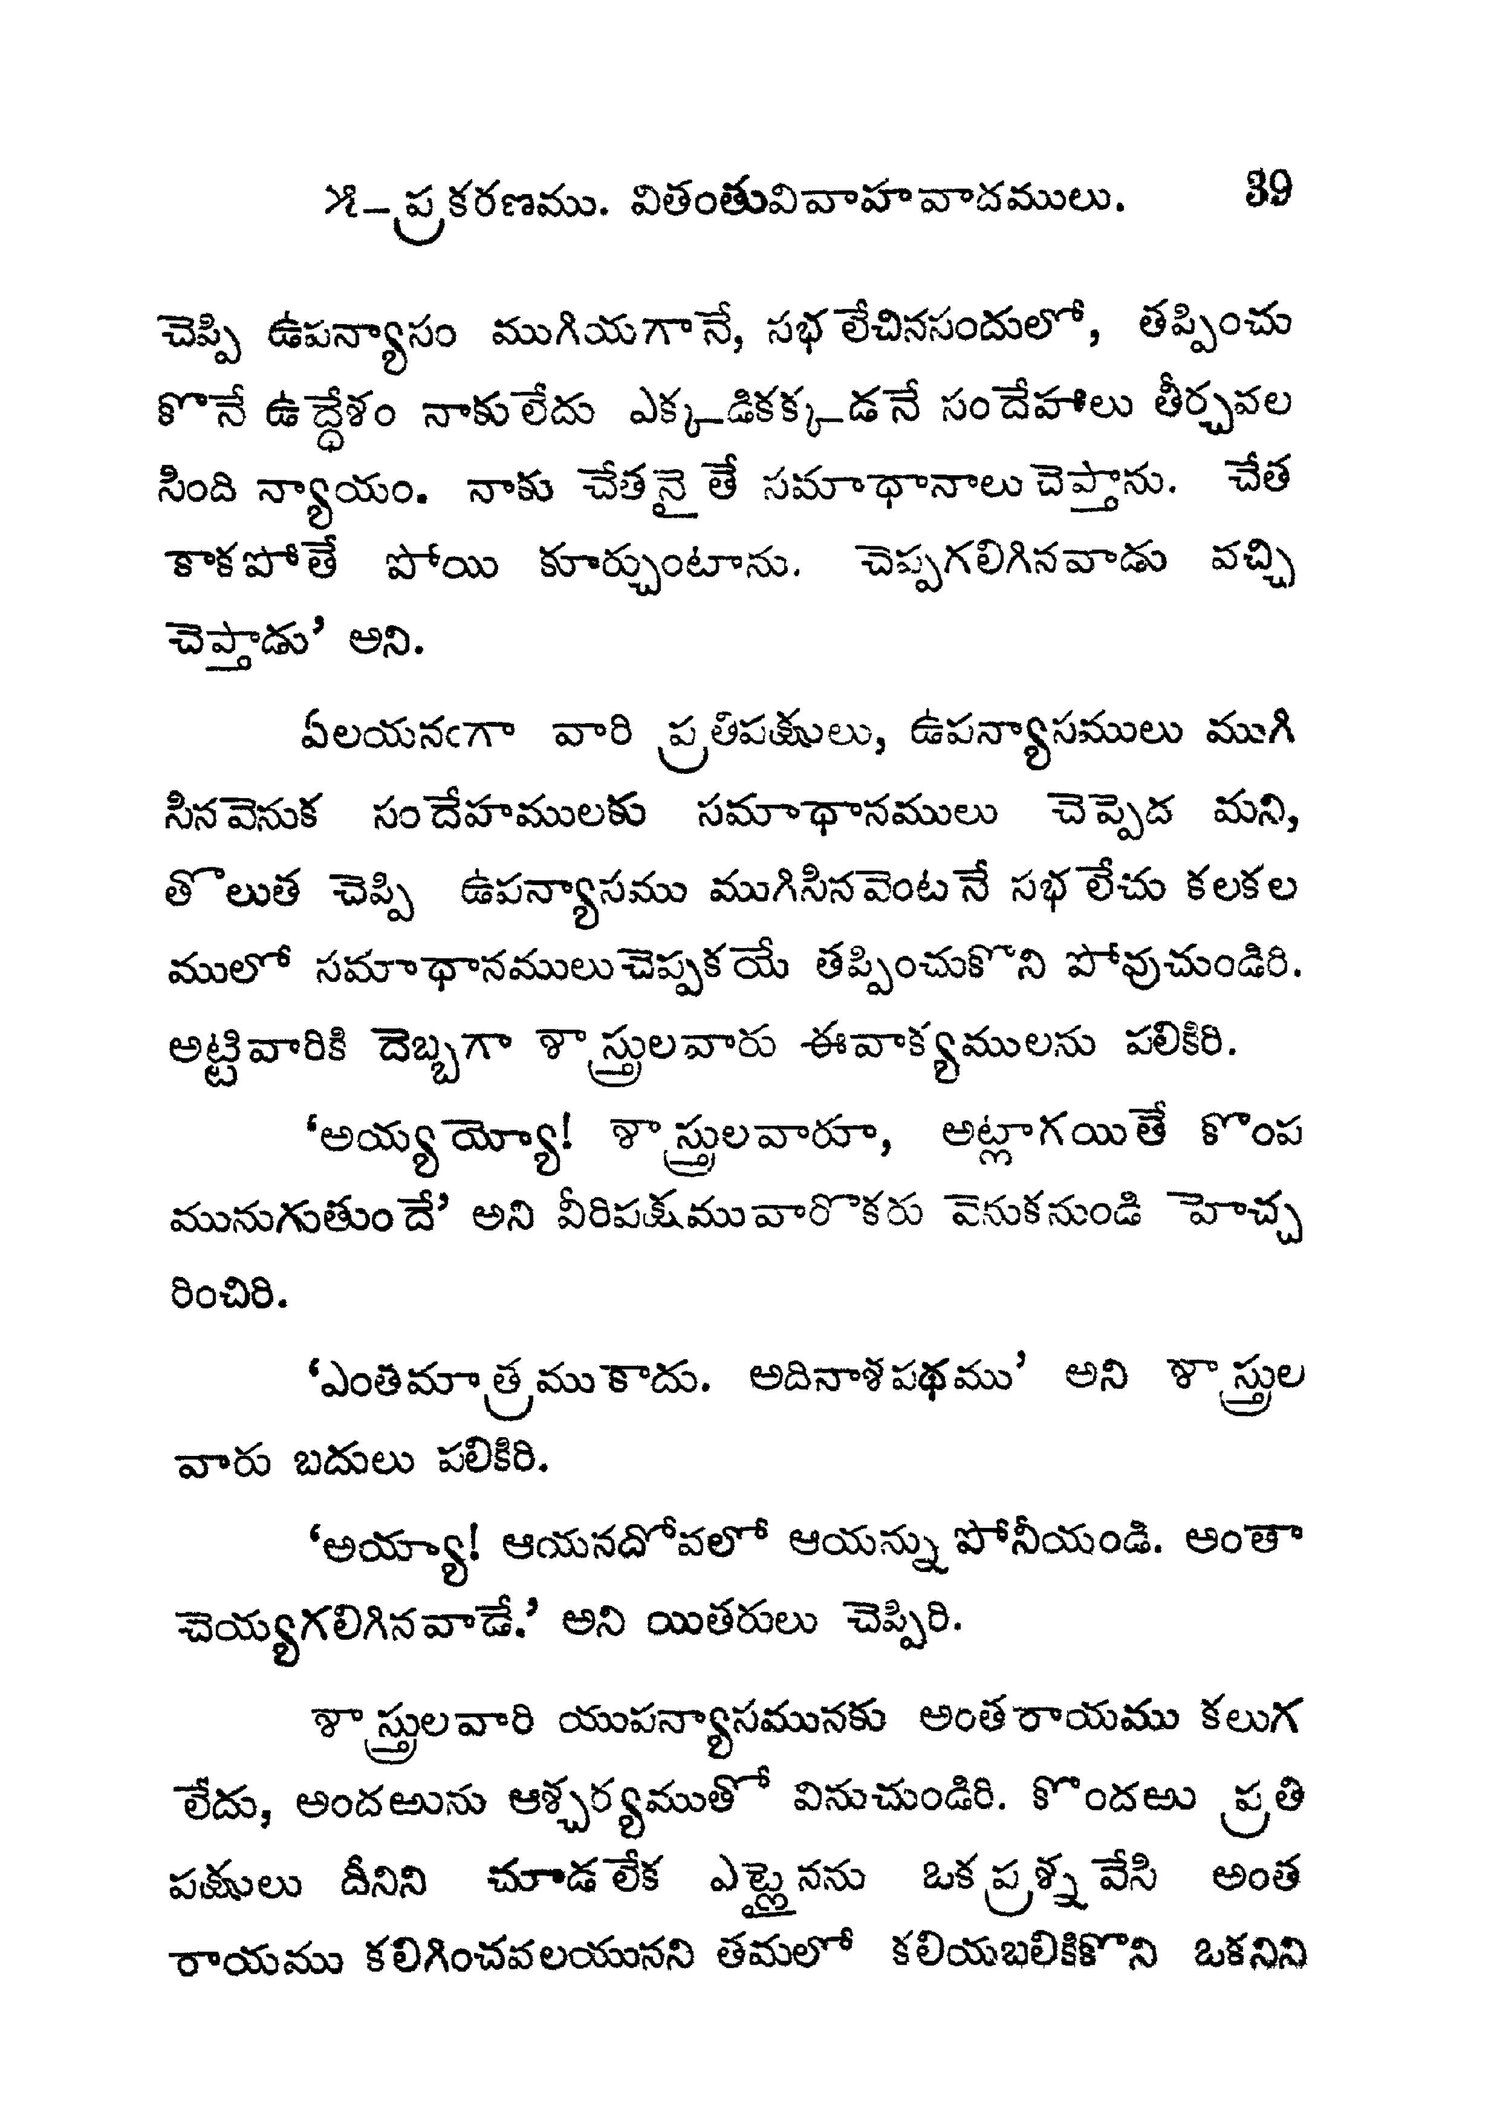చెప్పి ఉపన్యాసం ముగియగానే, సభలేచినసందులో, తప్పించుకొనే ఉద్దేశం నాకులేదు. ఎక్కడికక్కడనే సందేహాలు తీర్చవలసింది న్యాయం. నాకు చేతనైతే సమాధానాలుచెప్తాను. చేత కాకపోతే పోయి కూర్చుంటాను. చెప్పగలిగినవాడు వచ్చి చెప్తాడు' అని.

ఏలయనగా వారి ప్రతిపక్షులు, ఉపన్యాసములు ముగిసినవెనుక సందేహములకు సమాథానములు చెప్పెద మని, తొలుత చెప్పి ఉపన్యాసము ముగిసినవెంటనే సభలేచు కలకలములో సమాధానములు చెప్పకయే తప్పించుకొని పోవుచుండిరి. అట్టివారికి దెబ్బగా శాస్త్రులవారు ఈవాక్యములను పలికిరి.

'అయ్యయ్యో! శాస్త్రులవారూ, అట్లాగయితే కొంపమునుగుతుందే' అని వీరిపక్షమువారొకరు వెనుకనుండి హెచ్చరించిరి.

'ఎంతమాత్రము కాదు. అదినాశపథము' అని శాస్త్రులవారు బదులు పలికిరి.

'అయ్యా! ఆయనదోవలో ఆయన్ను పోనీయండి. అంతా చెయ్యగలిగినవాడే.' అని యితరులు చెప్పిరి.

శాస్త్రులవారి యుపన్యాసమునకు అంతరాయము కలుగ లేదు, అందఱును ఆశ్చర్యముతో వినుచుండిరి. కొందఱు ప్రతి పక్షులు దీనిని చూడలేక ఎట్లైనను ఒకప్రశ్నవేసి అంతరాయము కలిగించవలయునని తమలో కలియబలికికొని ఒకనిని